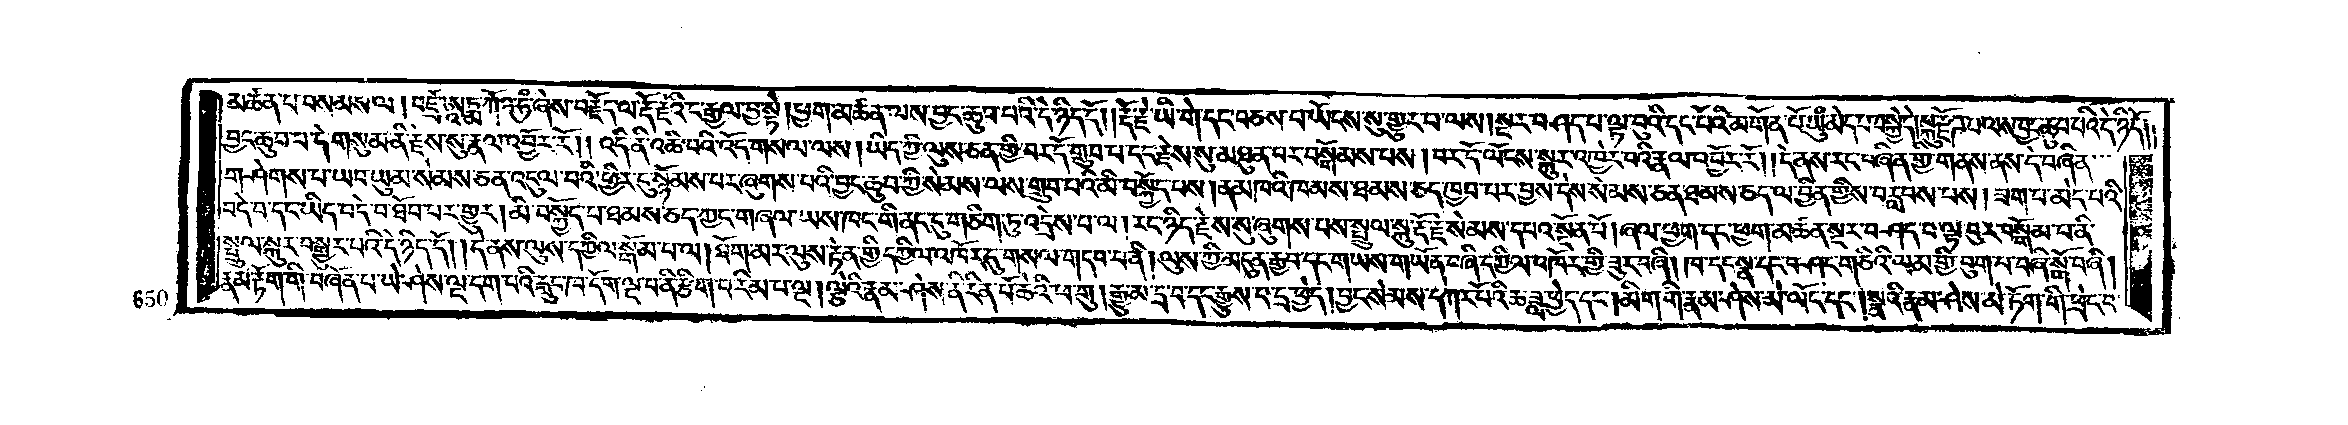མཚན་པ་བསམས་ལ། བཛྲ་ཨཱཏྨ་ཀོཉ་ཧཾ་ཞེས་བརྗོད་ལ་རྡོ་རྗེའི་ང་རྒྱལ་བྱ་སྟེ། ཕྱག་མཚན་ལས་བྱང་ཆུབ་པའི་དེ་ཉིད་དོ། །རྡོ་རྗེ་ཡི་གེ་དང་བཅས་པ་ཡོངས་སུ་གྱུར་པ་ལས། སྔར་བཤད་པ་ལྟ་བུའི་དང་པོའི་མགོན་པོ་ཡུཾ་མེད་པ་བསྐྱེད་དེ། སྐུ་རྫོགས་པ་ལས་བྱང་ཆུབ་པའི་དེ་ཉིད་དོ།།
བྱང་ཆུབ་པ་དེ་གསུམ་ནི་རྗེས་སུ་རྣལ་འབྱོར་རོ། །འདི་ནི་འཆི་བའི་འོད་གསལ་ལས། ཡིད་ཀྱི་ལུས་ཅན་གྱི་བར་དོ་གྲུབ་པ་དང་རྗེས་སུ་མཐུན་པར་བསྒོམས་པས། བར་དོ་ལོངས་སྐུར་འཁྱེར་བའི་རྣལ་འབྱོར་རོ། །དེ་ནས་རང་བཞིན་གྱི་གནས་ནས་དེ་བཞིན་
གཤེགས་པ་ཡབ་ཡུམ་སེམས་ཅན་འདུལ་བའི་ཕྱིར་དུ་སྙོམས་པར་ཞུགས་པའི་བྱང་ཆུབ་ཀྱི་སེམས་ལས་གྲུབ་པའི་མི་བསྐྱོད་པས། ནམ་མཁའི་ཁམས་ཐམས་ཅད་ཁྱབ་པར་བྱས་དེས་སེམས་ཅན་ཐམས་ཅད་ལ་བྱིན་གྱིས་བརླབས་པས། ཟག་པ་མེད་པའི་
བདེ་བ་དང་ཡིད་བདེ་བ་ཐོབ་པར་གྱུར། མི་བསྐྱོད་པ་ཐམས་ཅད་ཀྱང་གཞལ་ཡས་ཁང་གི་ནང་དུ་གཅིག་ཏུ་འདྲེས་པ་ལ། རང་ཉིད་རྗེས་སུ་ཞུགས་པས་སྤྲུལ་སྐུ་རྡོ་རྗེ་སེམས་དཔའ་སྔོན་པོ། ཞལ་ཕྱག་དང་ཕྱག་མཚན་སྔར་བཤད་པ་ལྟ་བུར་བསྒོམ་པ་ནི་
སྤྲུལ་སྐུར་བསྒྱུར་བའི་དེ་ཉིད་དོ། །དེ་ནས་ལུས་དཀྱིལ་སྒོམ་པ་ལ། ཐོག་མར་ལུས་རྟེན་གྱི་དཀྱིལ་འཁོར་དུ་གསལ་གདབ་པ་ནི། ལུས་ཀྱི་མདུན་རྒྱ་བ་དང་གཡས་གཡོན་བཞི་དཀྱིལ་འཁོར་གྱི་ཟུར་བཞི། ཁ་དང་སྣ་དང་བཤང་གཅིའི་ལམ་གྱི་བུག་པ་བཞི་སྒོ་བཞི།
རྣམ་རྟོག་གི་བཞོན་པ་ཡེ་ཤེས་ལྔ་དག་པའི་རླུང་ཁ་དོག་ལྔ་པ་ནི་རྩིག་པ་རིམ་པ་ལྔ། ལྕེའི་རྣམ་ཤེས་ནི་རིན་པོ་ཆེའི་ཕ་གུ། རྒྱུ་མ་དྲ་བ་དང་རྒྱུས་པ་དྲ་ཕྱེད། བྱང་སེམས་དཀར་པོའི་ཆ་ཟླ་ཕྱེད་དང་། མིག་གི་རྣམ་ཤེས་མེ་ལོང་དང་། སྣའི་རྣམ་ཤེས་མེ་ཏོག་གི་ཕྲེང་བ་